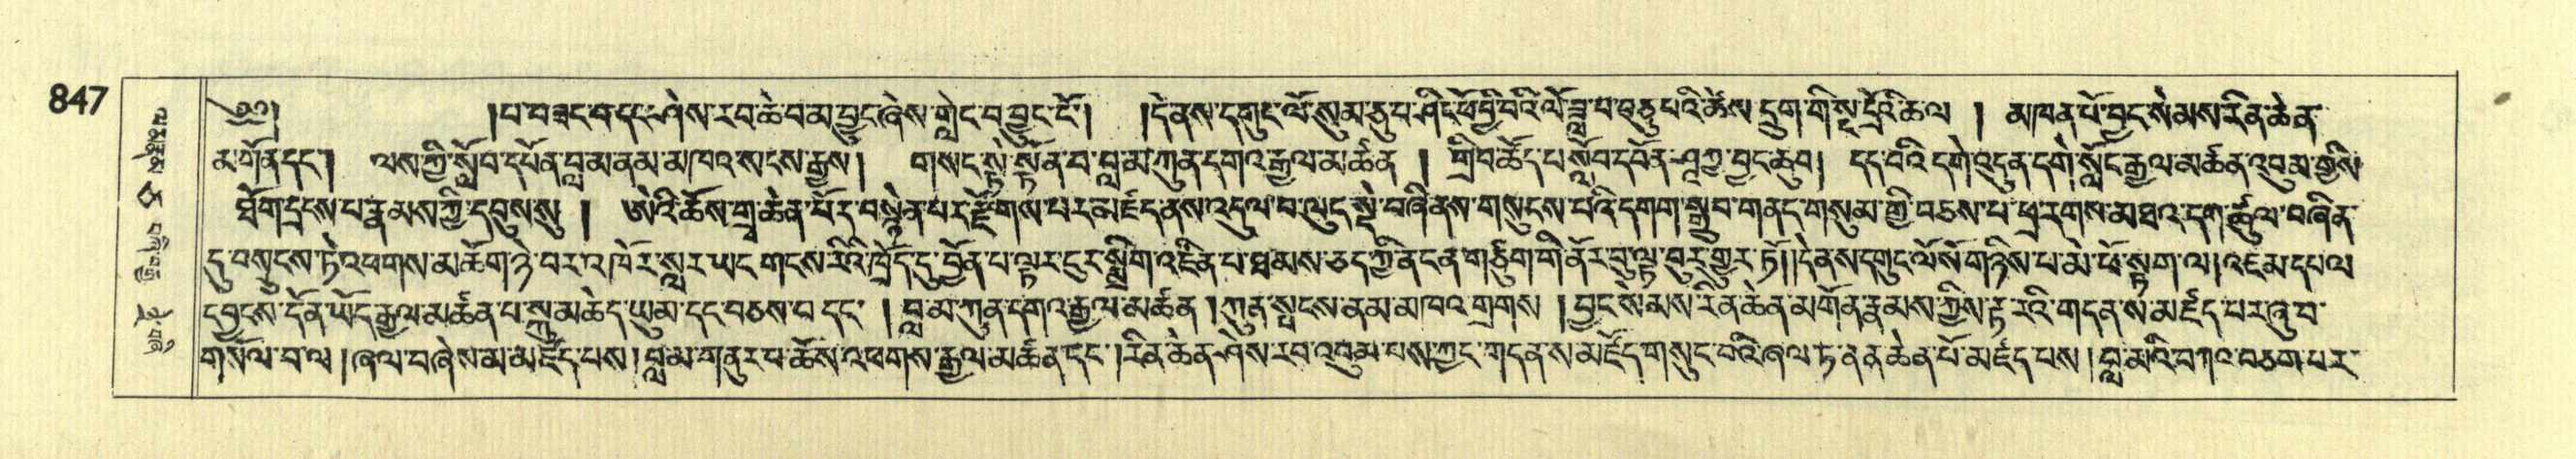༄༅། །པ་བཟང་བ་དང་ཤེས་རབ་ཆེ་བ་མ་བྱུང་ཞེས་གླེང་བ་བྱུང་ངོ། །དེ་ནས་དགུང་ལོ་སུམ་ཅུ་པ་ཤིང་ཕོ་བྱི་བའི་ལོ་ཟླ་པ་བཅུ་པའི་ཚེས་དྲུག་གི་སྔ་དྲོའི་ཆ་ལ། མཁན་པོ་བྱང་སེམས་རིན་ཆེན་
མགོན་དང་། ལས་ཀྱི་སློབ་དཔོན་བླ་མ་ནམ་མཁའ་སངས་རྒྱས། གསང་སྟེ་སྟོན་བ་བླ་མ་ཀུན་དགའ་རྒྱལ་མཚན། གྲིབ་ཚོད་པ་སློབ་དཔོན་ཤཱཀྱ་བྱང་ཆུབ། དད་བའི་དགེ་འདུན་དགེ་སློང་རྒྱལ་མཚན་འབུམ་གྱིས་
ཐོག་དྲངས་པ་རྣམས་ཀྱི་དབུས་སུ། ཨེའི་ཆོས་གྲྭ་ཆེན་པོར་བསྙེན་པར་རྫོགས་པར་མཛད་ནས་འདུལ་བ་ལུང་སྡེ་བཞི་ནས་གསུངས་པའི་དགག་སྒྲུབ་གནད་གསུམ་གྱི་བཅས་པ་ཕྲ་རགས་མཐའ་དག་ཚུལ་བཞིན་
དུ་བསྲུངས་ཏེ་འཕགས་མཆོག་ཉེ་བར་འཁོར་སླར་ཡང་གངས་རིའི་ཁྲོད་དུ་བྱོན་པ་ལྟར་ངུར་སྨྲིག་འཛིན་པ་ཐམས་ཅད་ཀྱི་ནང་ན་གཙུག་གི་ནོར་བུ་ལྟ་བུར་གྱུར་ཏོ། །དེ་ནས་དགུང་ལོ་སོ་གཉིས་པ་མེ་ཕོ་སྟག་ལ། འཇམ་དཔལ་
དབྱངས་དོན་ཡོད་རྒྱལ་མཚན་པ་སྐུ་མཆེད་ཡུམ་དང་བཅས་པ་དང་། བླ་མ་ཀུན་དགའ་རྒྱལ་མཚན། ཀུན་སྤངས་ནམ་མཁའ་གྲགས་།བྱང་སེམས་རིན་ཆེན་མགོན་རྣམས་ཀྱིས་རྟ་རའི་གདན་ས་མཛད་པར་ཞུ་བ་
གསོལ་བ་ལ། ཞལ་བཞེས་མ་མཛད་པས། བླ་མ་གནུར་པ་ཆོས་འཕགས་རྒྱལ་མཚན་དང་། རིན་ཆེན་ཤེས་རབ་འབུམ་པས་ཀྱང་གདན་ས་མཛོད་གསུང་བའི་ཞལ་ཏ་ནན་ཆེན་པོ་མཛད་པས། བླ་མའི་བཀའ་བཅག་པར་